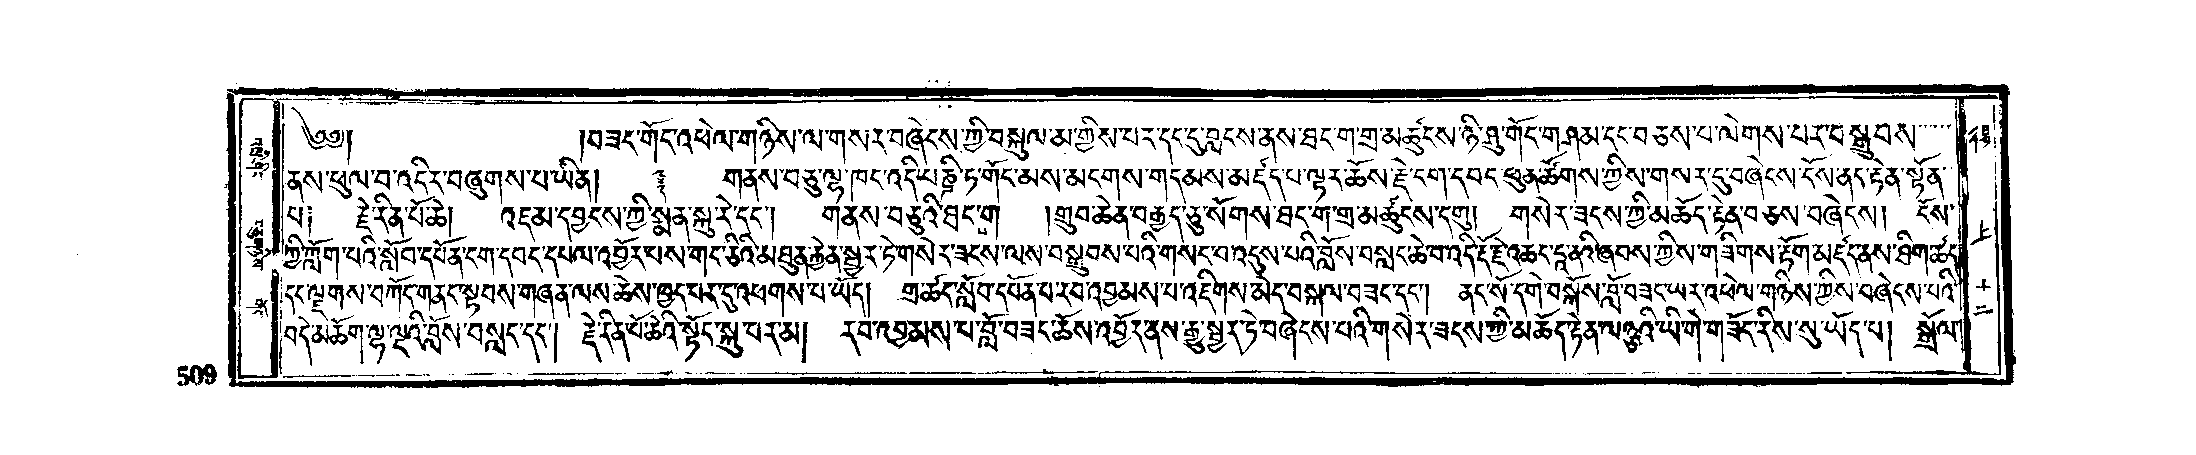༄༅། །བཟང་གོང་འཕེལ་གཉིས་ལ་གསར་བཞེངས་ཀྱི་བསྐུལ་མ་གྱིས་པར་དང་དུ་བླངས་ནས་ཐང་ག་གྲ་མཚུངས་ཉི་ཤུ་གོང་གཤམ་དང་བཅས་པ་ལེགས་པར་བསྒྲུབས་
ནས་ཕུལ་བ་འདིར་བཞུགས་པ་ཡིན། ༈ གནས་བཅུ་ལྷ་ཁང་འདི་པཎྜི་ཏ་གོང་མས་མངགས་གདམས་མཛད་པ་ལྟར་ཆོས་རྗེ་ངག་དབང་ཕུན་ཚོགས་ཀྱིས་གསར་དུ་བཞེངས་ངོས་ནང་རྟེན་སྟོན་
པ། རྗེ་རིན་པོ་ཆེ། འཇམ་དབྱངས་ཀྱི་སྨན་སྐུ་རེ་དང་། གནས་བཅུའི་ཐང་ག །གྲུབ་ཆེན་བརྒྱད་ཅུ་སོགས་ཐང་ག་གྲ་མཚུངས་དགུ། གསེར་ཟངས་ཀྱི་མཆོད་རྟེན་བཅས་བཞེངས། ངོས་
ཀྱི་ཀློག་པའི་སློབ་དཔོན་ངག་དབང་དཔལ་འབྱོར་པས་གང་ཅིའི་མཐུན་རྐྱེན་སྦྱར་ཏེ་གསེར་ཟངས་ལས་བསྒྲུབས་པའི་གསང་བ་འདུས་པའི་བློས་བསླང་ཆེ་བ་འདི་རྡོ་རྗེ་འཆང་དཱ་ནའི་ཞབས་ཀྱིས་གཟིགས་རྟོག་མཛད་ནས་ཐིག་ཚད་
དང་ལྗགས་བཀོད་གནང་སྟབས་གཞན་ལས་ཆེས་ཁྱད་པར་དུ་འཕགས་པ་ཡོད། གྲ་ཚང་སློབ་དཔོན་པ་རབ་འབྱམས་པ་འཇིགས་མེད་བསྐལ་བཟང་དང་། ནང་སོ་དགེ་བསྐོས་བློ་བཟང་ཡར་འཕེལ་གཉིས་ཀྱིས་བཞེངས་པའི་
བདེ་མཆོག་ལྷ་ལྔའི་བློས་བསླང་དང་། རྗེ་རིན་པོ་ཆེའི་སྟོང་སྐུ་པར་མ། རབ་འབྱམས་པ་བློ་བཟང་ཆོས་འབྱོར་ནས་རྒྱུ་སྦྱར་ཏེ་བཞེངས་པའི་གསེར་ཟངས་ཀྱི་མཆོད་རྟེན་ལཉྩའི་ཡི་གེ་གཟོང་རིས་སུ་ཡོད་པ། སྒྲོལ་